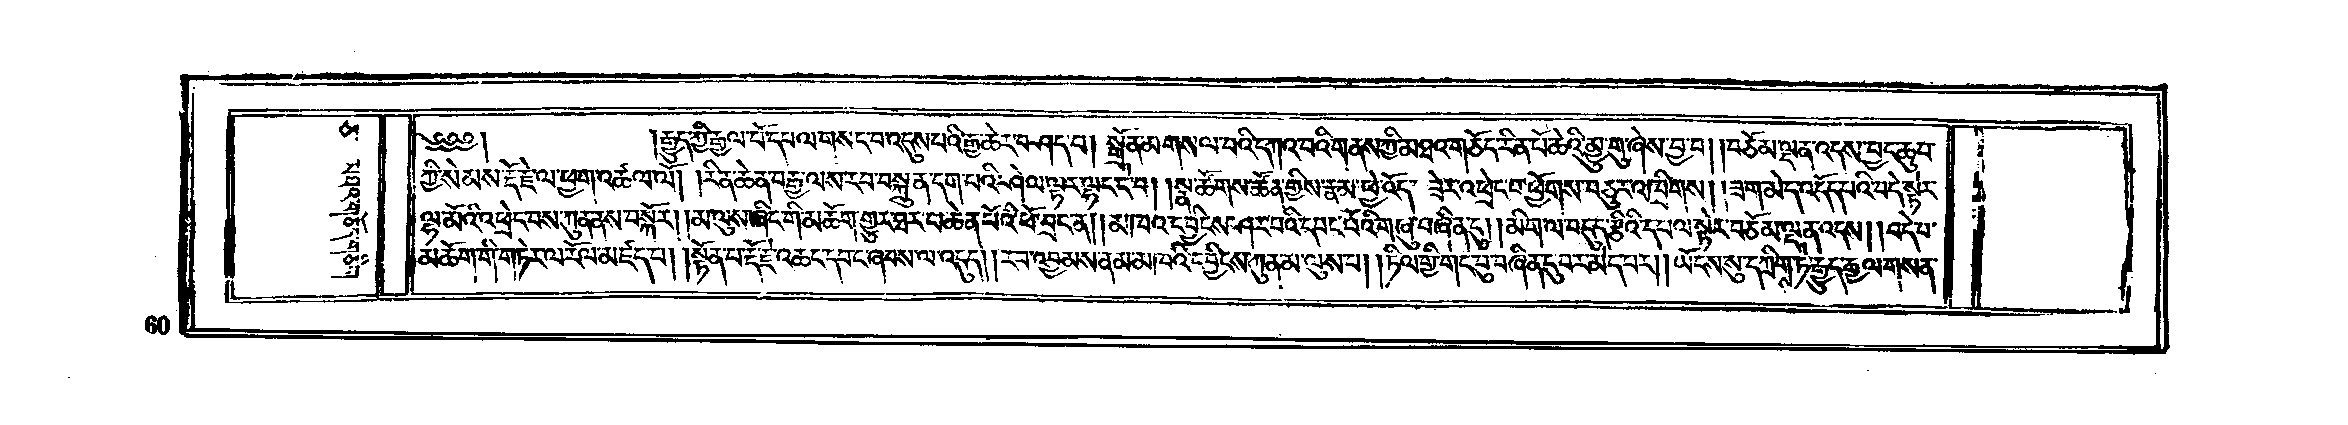༄༅༅། །རྒྱུད་ཀྱི་རྒྱལ་པོ་དཔལ་གསང་བ་འདུས་པའི་རྒྱ་ཆེར་བཤད་པ། སྒྲོན་མ་གསལ་བའི་དཀའ་བའི་གནས་ཀྱི་མཐའ་གཅོད་རིན་པོ་ཆེའི་མྱུ་གུ་ཞེས་བྱ་བ། །བཅོམ་ལྡན་འདས་བྱང་ཆུབ་
ཀྱི་སེམས་རྡོ་རྗེ་ལ་ཕྱག་འཚལ་ལོ། །རིན་ཆེན་བརྒྱ་ལས་རབ་བསྐྲུན་དག་པའི་ཤེལ་ལྟར་ལྷང་ངེ་བ། །སྣ་ཚོགས་ཚོན་གྱིས་རྣམ་ཕྱེ་འོད་ཟེར་འཕྲེང་བ་ཕྱོགས་བཅུར་འཁྲིགས། །ཟག་མེད་འདོད་པའི་བདེ་སྟེར་
ལྷ་མོའི་འཕྲེང་བས་ཀུན་ནས་བསྐོར། །མ་ལུས་ཞིང་གི་མཆོག་གྱུར་ཐར་པ་ཆེན་པོའི་ཕོ་བྲང་ན། །མཁའ་དབྱིངས་ཤར་བའི་དབང་པོའི་གཞུ་བཞིན་དུ། །མིག་ལ་བདུད་རྩིའི་དཔལ་སྟེར་བཅོམ་ལྡན་འདས། །བདེ་པ་
མཆོག་གི་གཏེར་ལ་རོལ་མཛད་པ། །སྟོན་པ་རྡོ་རྗེ་འཆང་དབང་ཞབས་ལ་འདུད། །རབ་འབྱམས་ནམ་མཁའི་དབྱིངས་ཀུན་མ་ལུས་པ། །ཏིལ་གྱི་གང་བུ་བཞིན་དུ་བར་མེད་པར། །ཡོངས་སུ་དཀྲིགས་ཏེ་རྒྱུད་རྒྱལ་གསན་